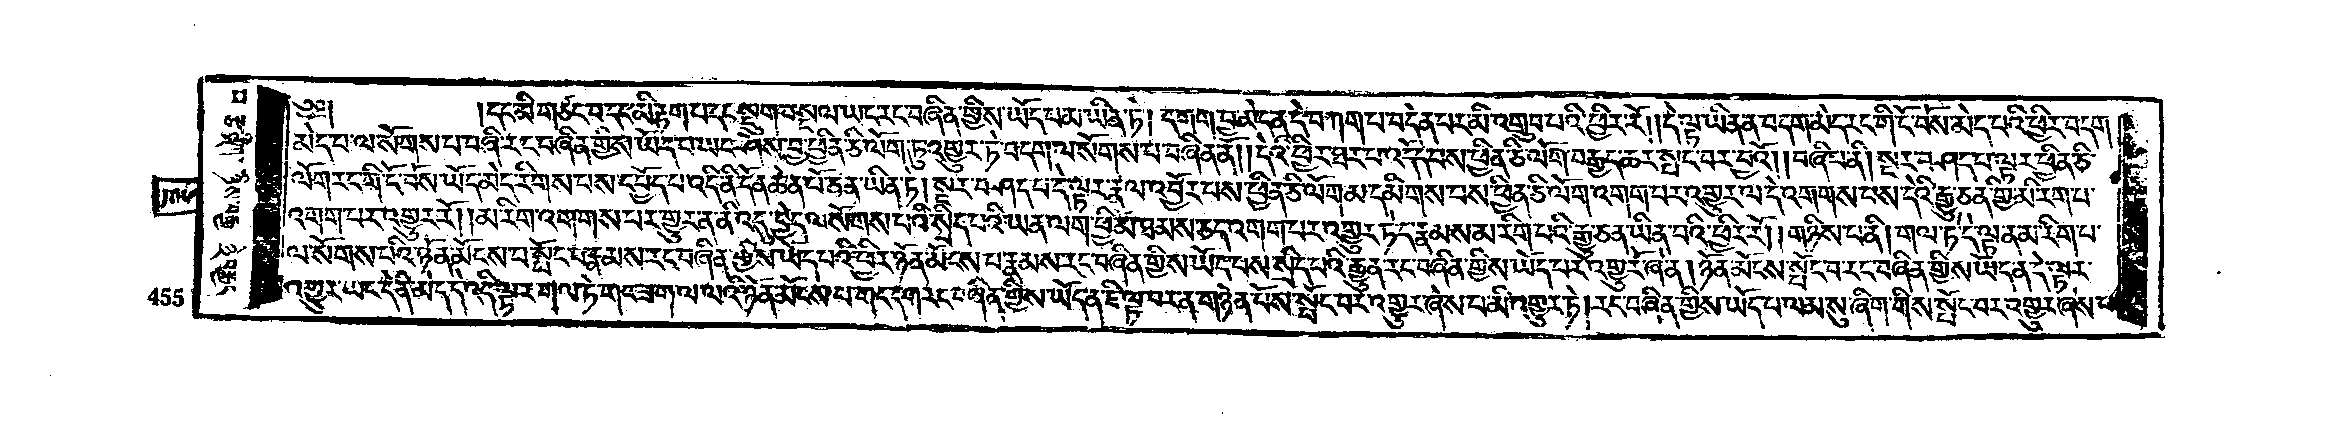༄༅། །དང་མི་གཅང་བ་དང་མི་རྟག་པ་དང་སྡུག་བསྔལ་ཡང་རང་བཞིན་གྱིས་ཡོད་པ་མ་ཡིན་ཏེ། དགག་བྱ་མེད་ན་དེ་བཀག་པ་བདེན་པར་མི་འགྲུབ་པའི་ཕྱིར་རོ། །དེ་ལྟ་ཡིན་ན་བདག་མེད་རང་གི་ངོ་བོས་མེད་པའི་ཕྱིར་བདག་
མེད་པ་ལ་སོགས་པ་བཞི་རང་བཞིན་གྱིས་ཡོད་པ་ཡང་ཤེས་བྱ་ཕྱིན་ཅི་ལོག་ཏུ་འགྱུར་ཏེ་བདག་ལ་སོགས་པ་བཞིན་ནོ། །དེའི་ཕྱིར་ཐར་པ་འདོད་པས་ཕྱིན་ཅི་ལོག་བརྒྱད་ཆར་སྤང་བར་བྱའོ། །བཞི་པ་ནི། སྔར་བཤད་པ་ལྟར་ཕྱིན་ཅི་
ལོག་རང་གི་ངོ་བོས་ཡོད་མེད་རིགས་པས་དཔྱོད་པ་འདི་ནི་དོན་ཆེན་པོ་ཅན་ཡིན་ཏེ། སྔར་བཤད་པ་དེ་ལྟར་རྣལ་འབྱོར་པས་ཕྱིན་ཅི་ལོག་མ་དམིགས་པས་ཕྱིན་ཅི་ལོག་འགག་པར་འགྱུར་ལ་དེ་འགགས་པས་དེའི་རྒྱུ་ཅན་གྱི་མ་རིག་པ་
འགག་པར་འགྱུར་རོ། །མ་རིག་འགགས་པར་གྱུར་ན་ནི་འདུ་བྱེད་ལ་སོགས་པའི་སྲིད་པའི་ཡན་ལག་ཕྱི་མ་ཐམས་ཅད་འགག་པར་འགྱུར་ཏེ་ད་རྣམས་མ་རིག་པའི་རྒྱུ་ཅན་ཡིན་པའི་ཕྱིར་རོ། །གཉིས་པ་ནི། གལ་ཏེ་དེ་ལྟ་ན་མ་རིག་པ་
ལ་སོགས་པའི་ཉོན་མོངས་པ་སྡོང་བ་རྣམས་རང་བཞིན་གྱིས་ཡོད་པའི་ཕྱིར་ཉོན་མོངས་པ་རྣམས་རང་བཞིན་གྱིས་ཡོད་པས་སྲིད་པའི་རྒྱུན་རང་བཞིན་གྱིས་ཡོད་པར་འགྱུརོ་ཞེ་ན། ཉོན་མོངས་སྤོང་བ་རང་བཞིན་གྱིས་ཡོད་ན་དེ་ལྟར་
འགྱུར་ཡང་དེ་ནི་མེད་དེ་འདི་ལྟར་གལ་ཏེ་གང་ཟག་ལ་ལའི་ཉོན་མོངས་པ་གང་དག་རང་བཞིན་གྱིས་ཡོད་ན་ཇི་ལྟ་བུར་ན་གཉེན་པོས་སྤོང་བར་འགྱུར་ཞེས་པ་མི་འགྱུར་ཏེ། རང་བཞིན་གྱིས་ཡོད་པ་ལམ་སུ་ཞིག་གིས་སྤོང་བར་འགྱུར་ཞེས་པ་